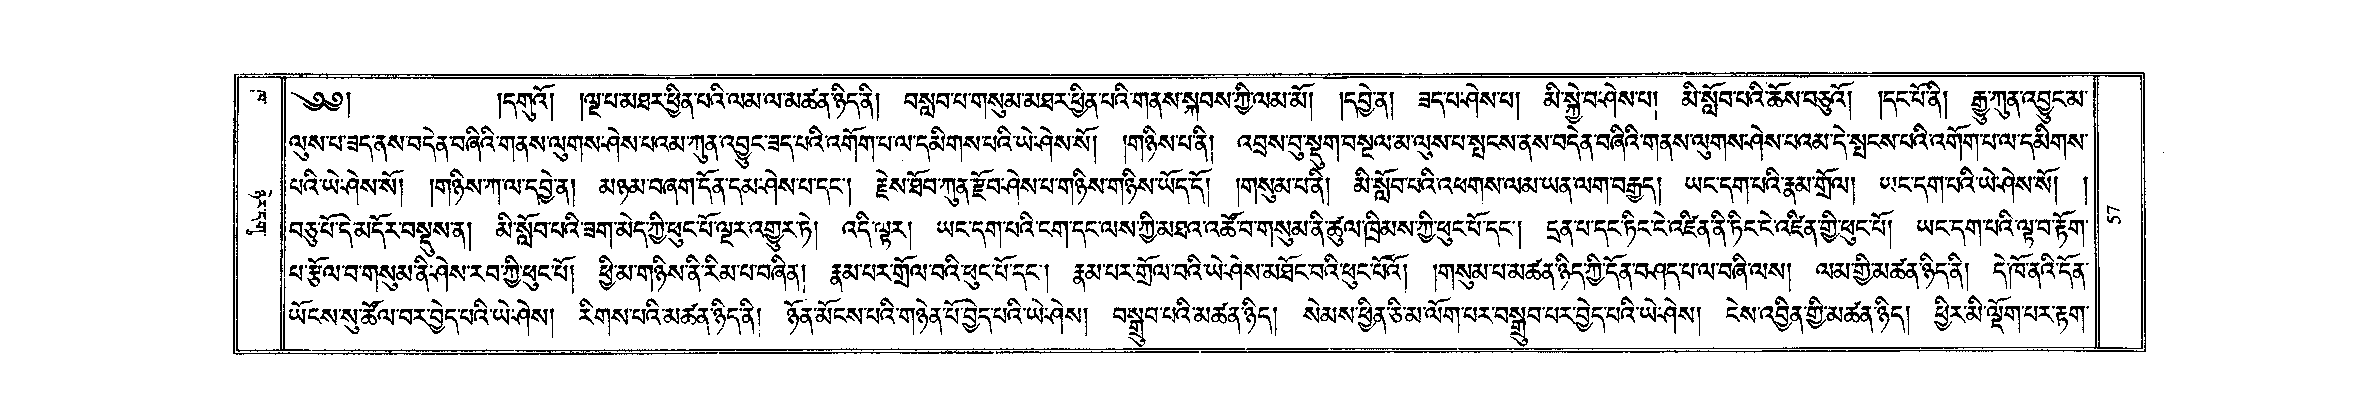༄༅། །དགུའོ། །ལྔ་པ་མཐར་ཕྱིན་པའི་ལམ་ལ་མཚན་ཉིད་ནི། བསླབ་པ་གསུམ་མཐར་ཕྱིན་པའི་གནས་སྐབས་ཀྱི་ལམ་མོ། །དབྱེ་ན། ཟད་པ་ཤེས་པ། མི་སྐྱེ་བ་ཤེས་པ། མི་སློབ་པའི་ཆོས་བཅུའོ། །དང་པོ་ནི། རྒྱུ་ཀུན་འབྱུང་མ་
ལུས་པ་ཟད་ནས་བདེན་བཞིའི་གནས་ལུགས་ཤེས་པའམ་ཀུན་འབྱུང་ཟད་པའི་འགོག་པ་ལ་དམིགས་པའི་ཡེ་ཤེས་སོ། །གཉིས་པ་ནི། འབྲས་བུ་སྡུག་བསྔལ་མ་ལུས་པ་སྤངས་ནས་བདེན་བཞིའི་གནས་ལུགས་ཤེས་པའམ་དེ་སྤངས་པའི་འགོག་པ་ལ་དམིགས་
པའི་ཡེ་ཤེས་སོ། །གཉིས་ཀ་ལ་དབྱེ་ན། མཉམ་བཞག་དོན་དམ་ཤེས་པ་དང་། རྗེས་ཐོབ་ཀུན་རྫོབ་ཤེས་པ་གཉིས་གཉིས་ཡོད་དོ། །གསུམ་པ་ནི། མི་སློབ་པའི་འཕགས་ལམ་ཡན་ལག་བརྒྱད། ཡང་དག་པའི་རྣམ་གྲོལ། ཡང་དག་པའི་ཡེ་ཤེས་སོ། །
བཅུ་པོ་དེ་མདོར་བསྡུས་ན། མི་སློབ་པའི་ཟག་མེད་ཀྱི་ཕུང་པོ་ལྔར་འགྱུར་ཏེ། འདི་ལྟར། ཡང་དག་པའི་ངག་དང་ལས་ཀྱི་མཐའ་འཚོ་བ་གསུམ་ནི་ཚུལ་ཁྲིམས་ཀྱི་ཕུང་པོ་དང་། དྲན་པ་དང་ཏིང་ངེ་འཛིན་ནི་ཏིང་ངེ་འཛིན་གྱི་ཕུང་པོ། ཡང་དག་པའི་ལྟ་བ་རྟོག་
པ་རྩོལ་བ་གསུམ་ནི་ཤེས་རབ་ཀྱི་ཕུང་པོ། ཕྱི་མ་གཉིས་ནི་རིམ་པ་བཞིན། རྣམ་པར་གྲོལ་བའི་ཕུང་པོ་དང་། རྣམ་པར་གྲོལ་བའི་ཡེ་ཤེས་མཐོང་བའི་ཕུང་པོའོ། །གསུམ་པ་མཚན་ཉིད་ཀྱི་དོན་བཤད་པ་ལ་བཞི་ལས། ལམ་གྱི་མཚན་ཉིད་ནི། དེ་ཁོ་ནའི་དོན་
ཡོངས་སུ་ཚོལ་བར་བྱེད་པའི་ཡེ་ཤེས། རིགས་པའི་མཚན་ཉིད་ནི། ཉོན་མོངས་པའི་གཉེན་པོ་བྱེད་པའི་ཡེ་ཤེས། བསྒྲུབ་པའི་མཚན་ཉིད། སེམས་ཕྱིན་ཅི་མ་ལོག་པར་བསྒྲུབ་པར་བྱེད་པའི་ཡེ་ཤེས། ངེས་འབྱིན་གྱི་མཚན་ཉིད། ཕྱིར་མི་ལྡོག་པར་རྟག་